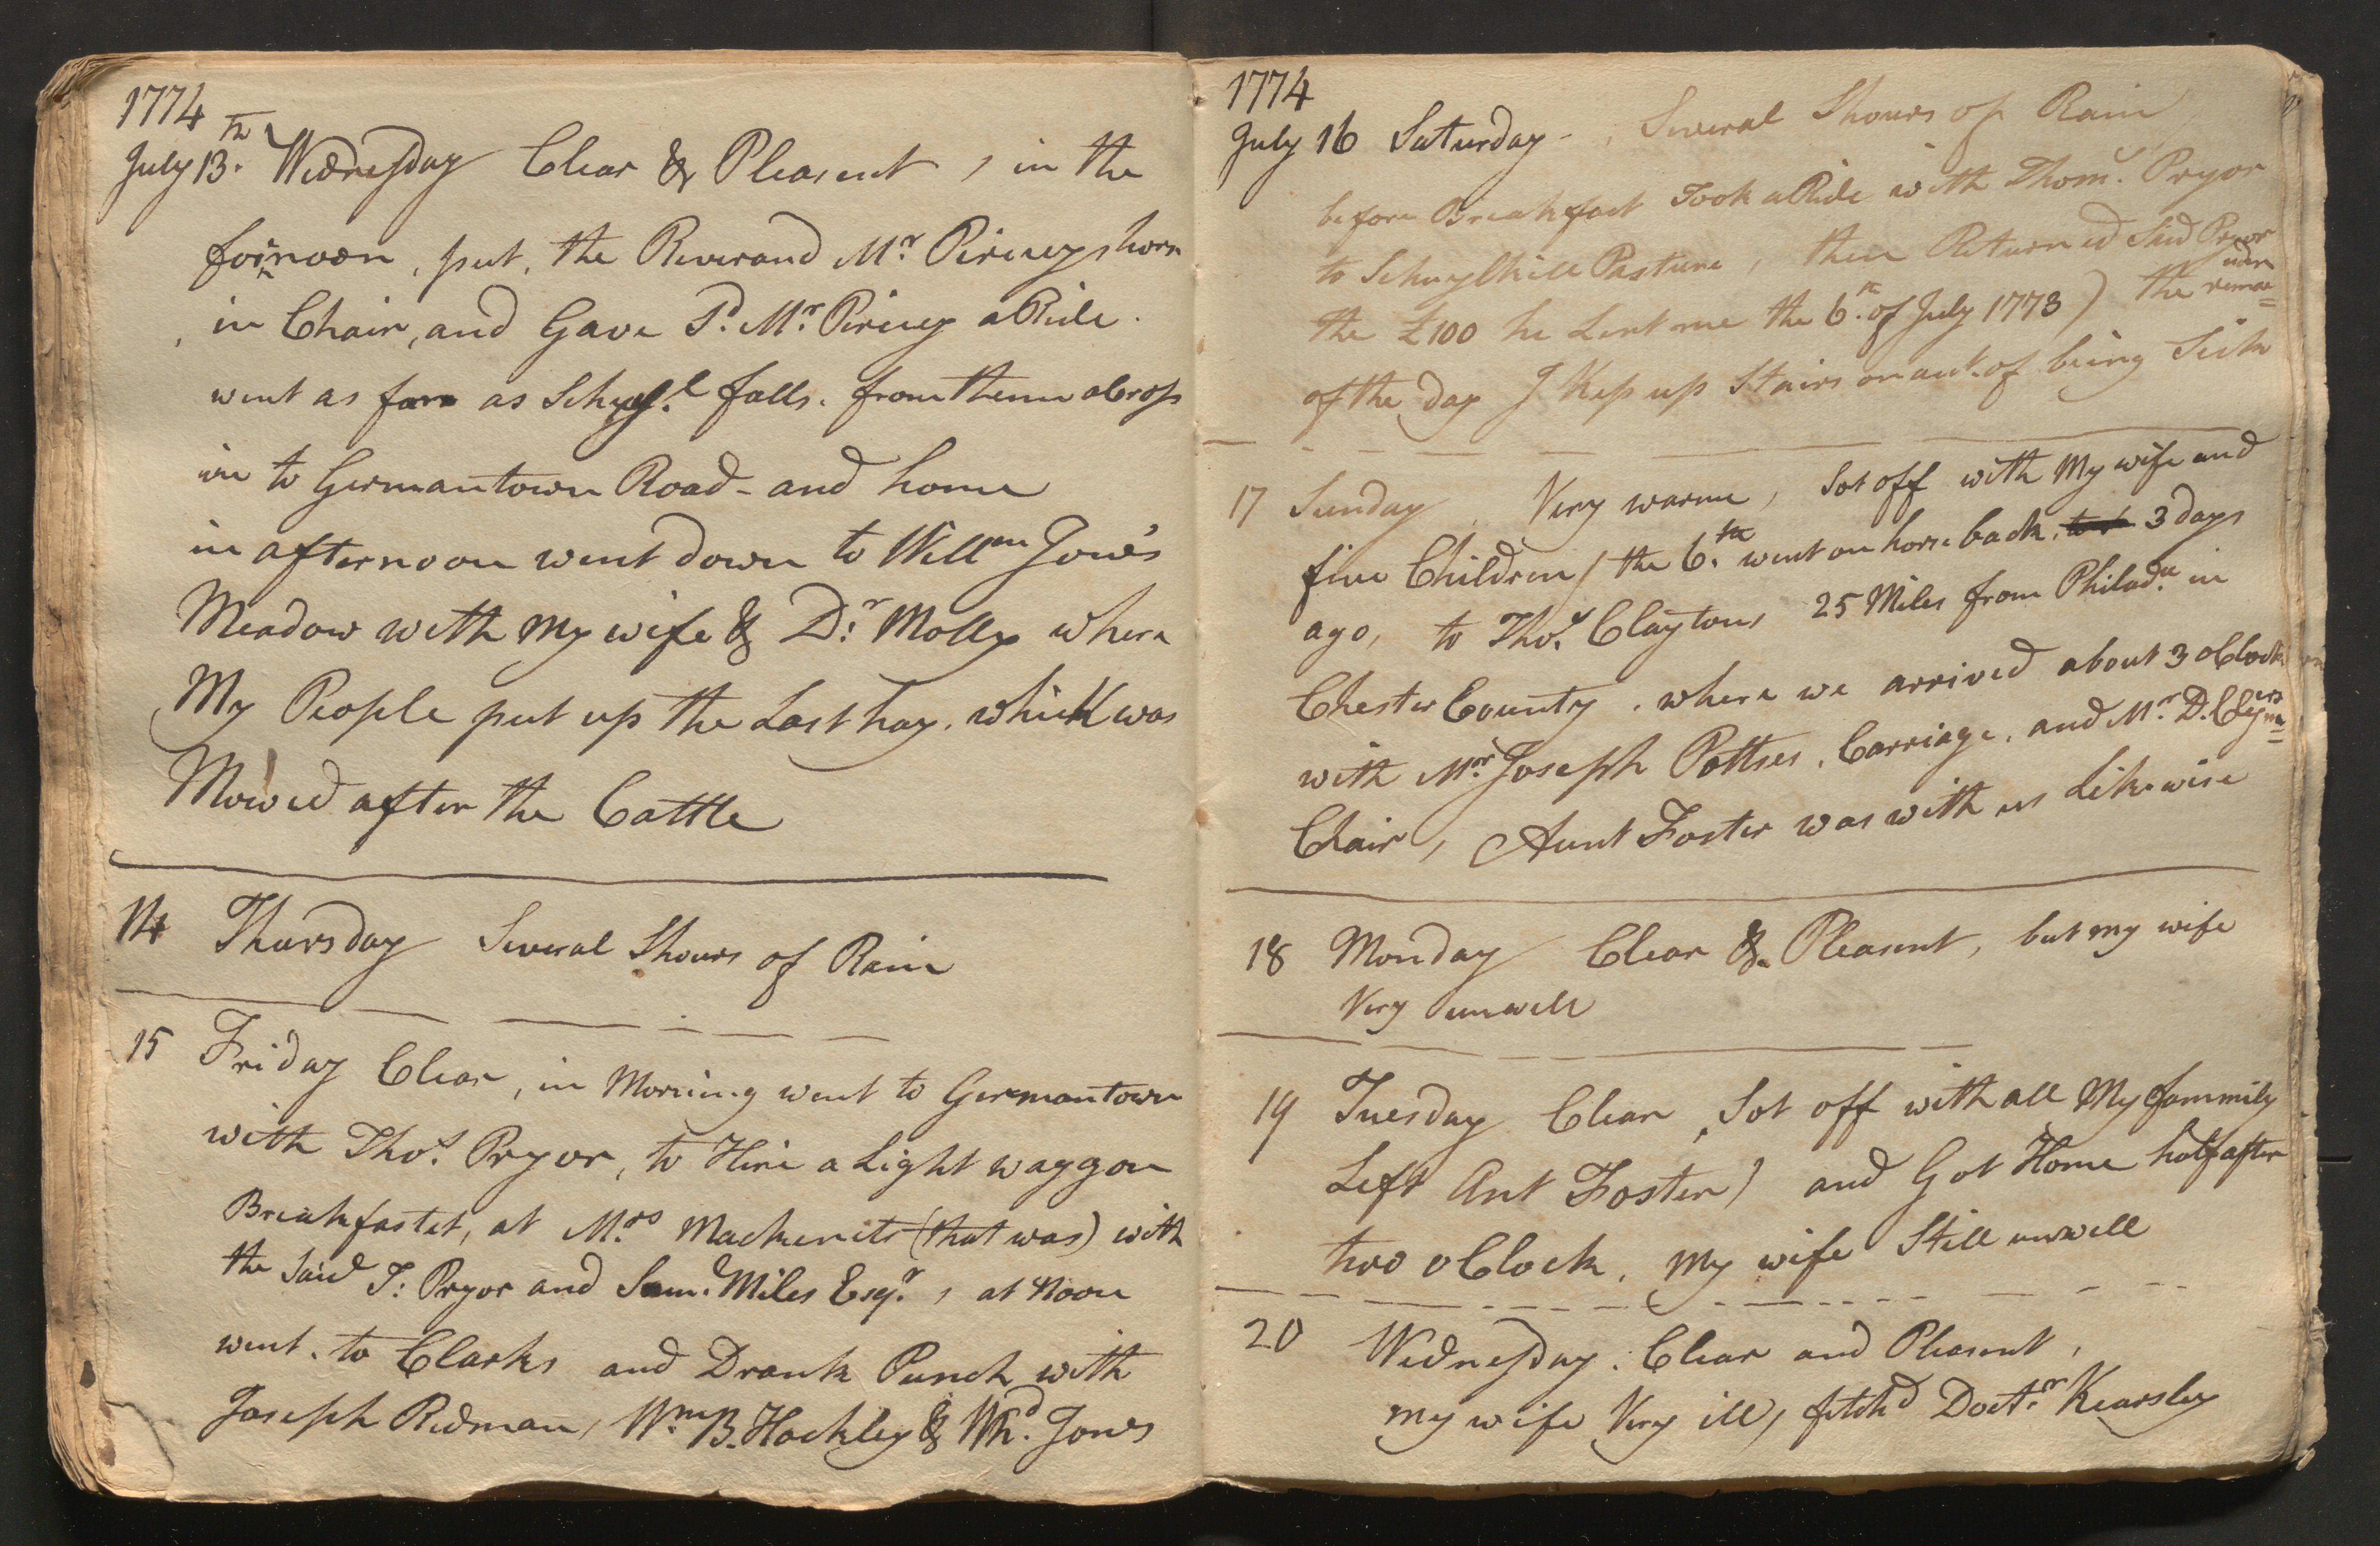1774
July 13^th. Wednesday Clear & Pleasent, in the
fornoon, put, the Reverand M^r. Pirceys horse
in Chair, and Gave s^d. M^r. Pircey a Ride.
went as far as Schuy^l. falls. from thence aCross
in to Germantown Road- and home
in afternoon went down to Will^m Jone's
Meadow with my wife & D^r: Molly where
My People put up the Last hay. which was
Mowed after the Cattle
14 Thursday Several Shours of Rain
15 Friday Clear, in Morning went to Germantown
with Tho^s. Pryor to Hire a Light waggon
Breahfastet at M^rs. Mahkenits (that was) with
the said T: Pryor and Sam^l. Miles Esq^r., at Noon
went. to Clarks and Drank Punch with
Joseph Redman, W^m. B. Hockley & Wh^d. Jones
1774
July 16 Saturday. Several shours of Rain
before Breakfast Took a Ride with Thom^s. Pryos
nder
to Schuylkill Pasture, then Returned Said Proot
The £100 he Lent me the 6^th. of July 1773) the remai-
of the day I Kep up Stairs on acc^t. of being Sick
17 Sunday Very warme, Sat off with My wife and
five Children, the 6^th. went on horse back [to] 3 days
ago, to Tho^s. Claytons 25 Miles from Philad^a. in
Chester County, where we arrived about 3 oClock
with M^r. Joseph Pottses Carriage, and M^r. D. Cly^mers
Chair, Aunt Foster was with us Likewise
18 Monday Clear &. Pleasent, but my wife
Very unwell
19 Tuesday Clear Sot off with all My fammily
Left Ant Foster) and Got Home half after
too oClock, My wife Still unwell
20
Wednesday. Clear and Pleasent,
my wife very ill, fetchd Doct^r. Kearsly